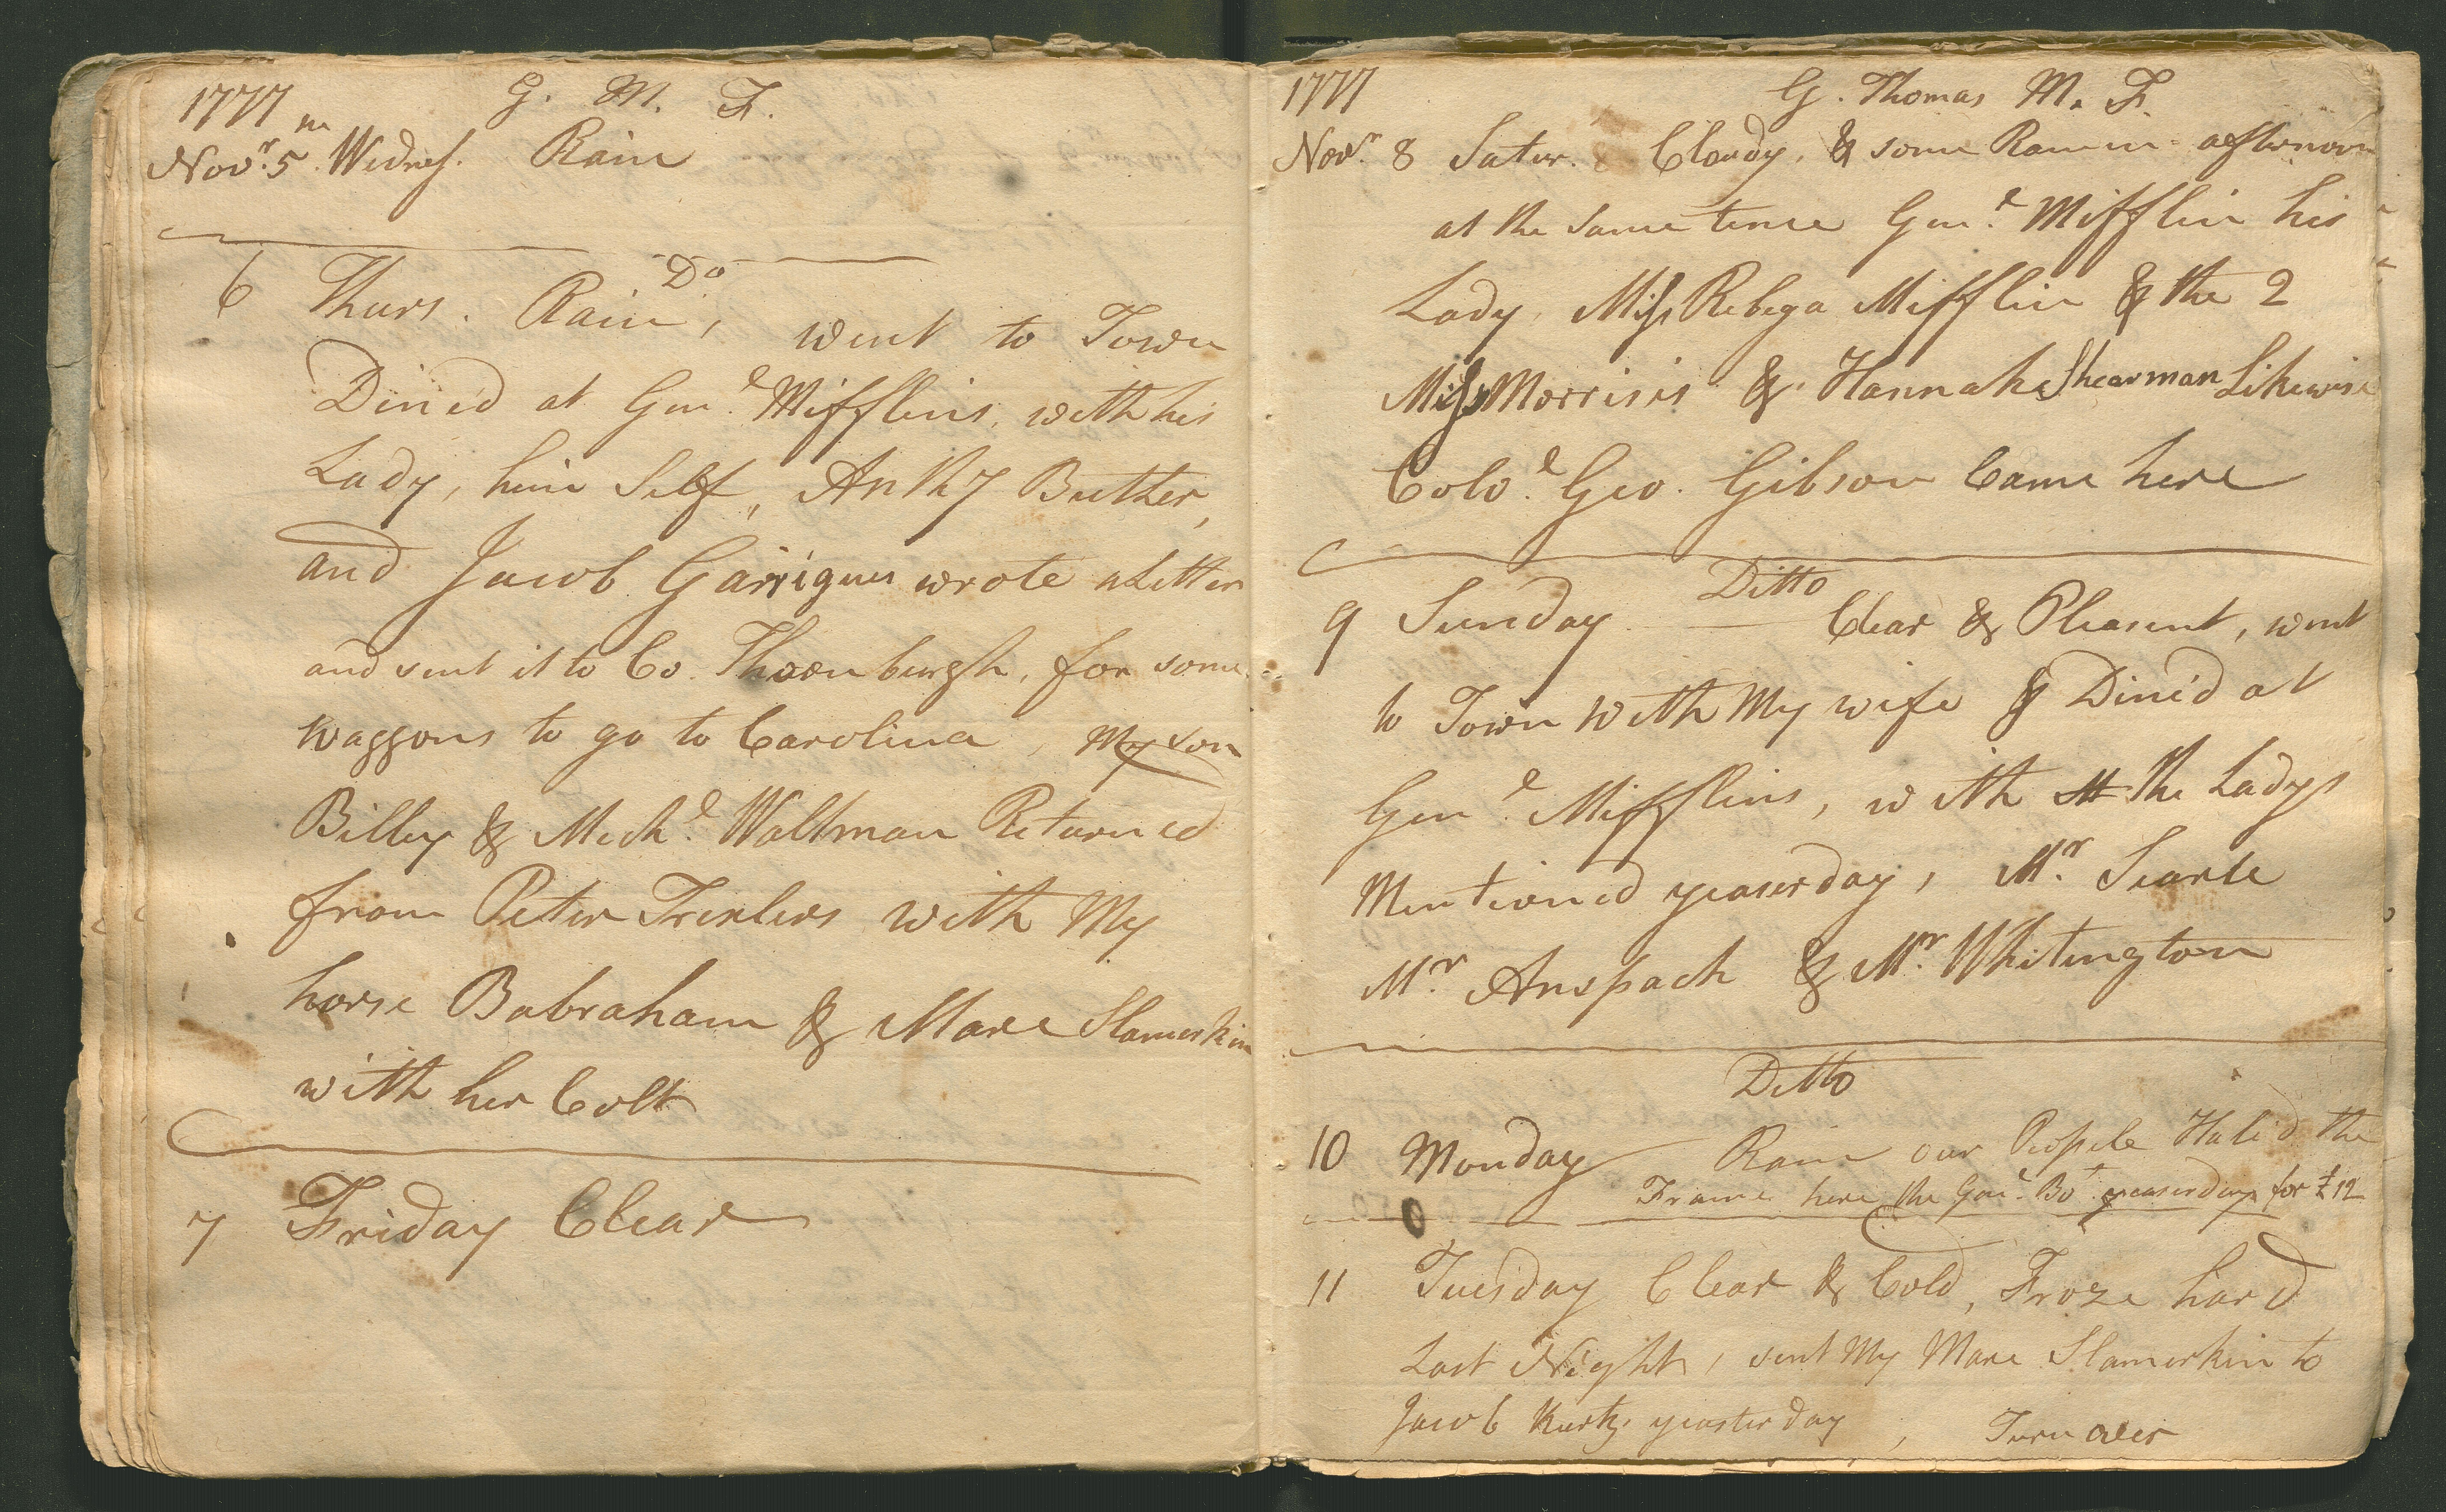1777
G. M. F.
Nov^r. 5^th Wednes. Rain
D^o
6 Thurs. Rain, went to Town
Dined at Gen^l. Mifflins, with his
Lady, him self Anth^y Butler
and Jacob Garrigues wrote a Letter
and Jacob Garrigues wrote a Letter
waggons to go to Carolina, My son
Billey & Mich^l. Waltman Returned
from Peter Trenlers with My
horse Babraham & Mare Slamerkin
with her Colt
7 Friday Clear
1777
G. Thomas M. F.
Nov^r. 8 Satur. Cloudy, & some Rain in afternoon
at the same tine Gen^l. Mifflin his
Lady, Miss Rebega Mifflin & the 2
Miss Morrisis & Hannah Shearman Likewise
Colo^l. Geo. Gibson Came here
Ditto
9 Sunday- Clear & Pleasent, went
to Town with My wife I Dine'd at
Gen^l. Mifflins, with [__] the Ladys
Mentioned yeaserdays M^r. Searle
M^r. Anspack & M^r. Whitington
Ditto
10 Monday, Rain our People Hale'd the
Frame here the Gen^l. Bo^t. yeaserday for £12
11 Tuesday Clear & Cold, Froze hare
Last Night, sent My Mare Slamerkin to
Last Night, sent My Mare Slamerkin to
Turn over